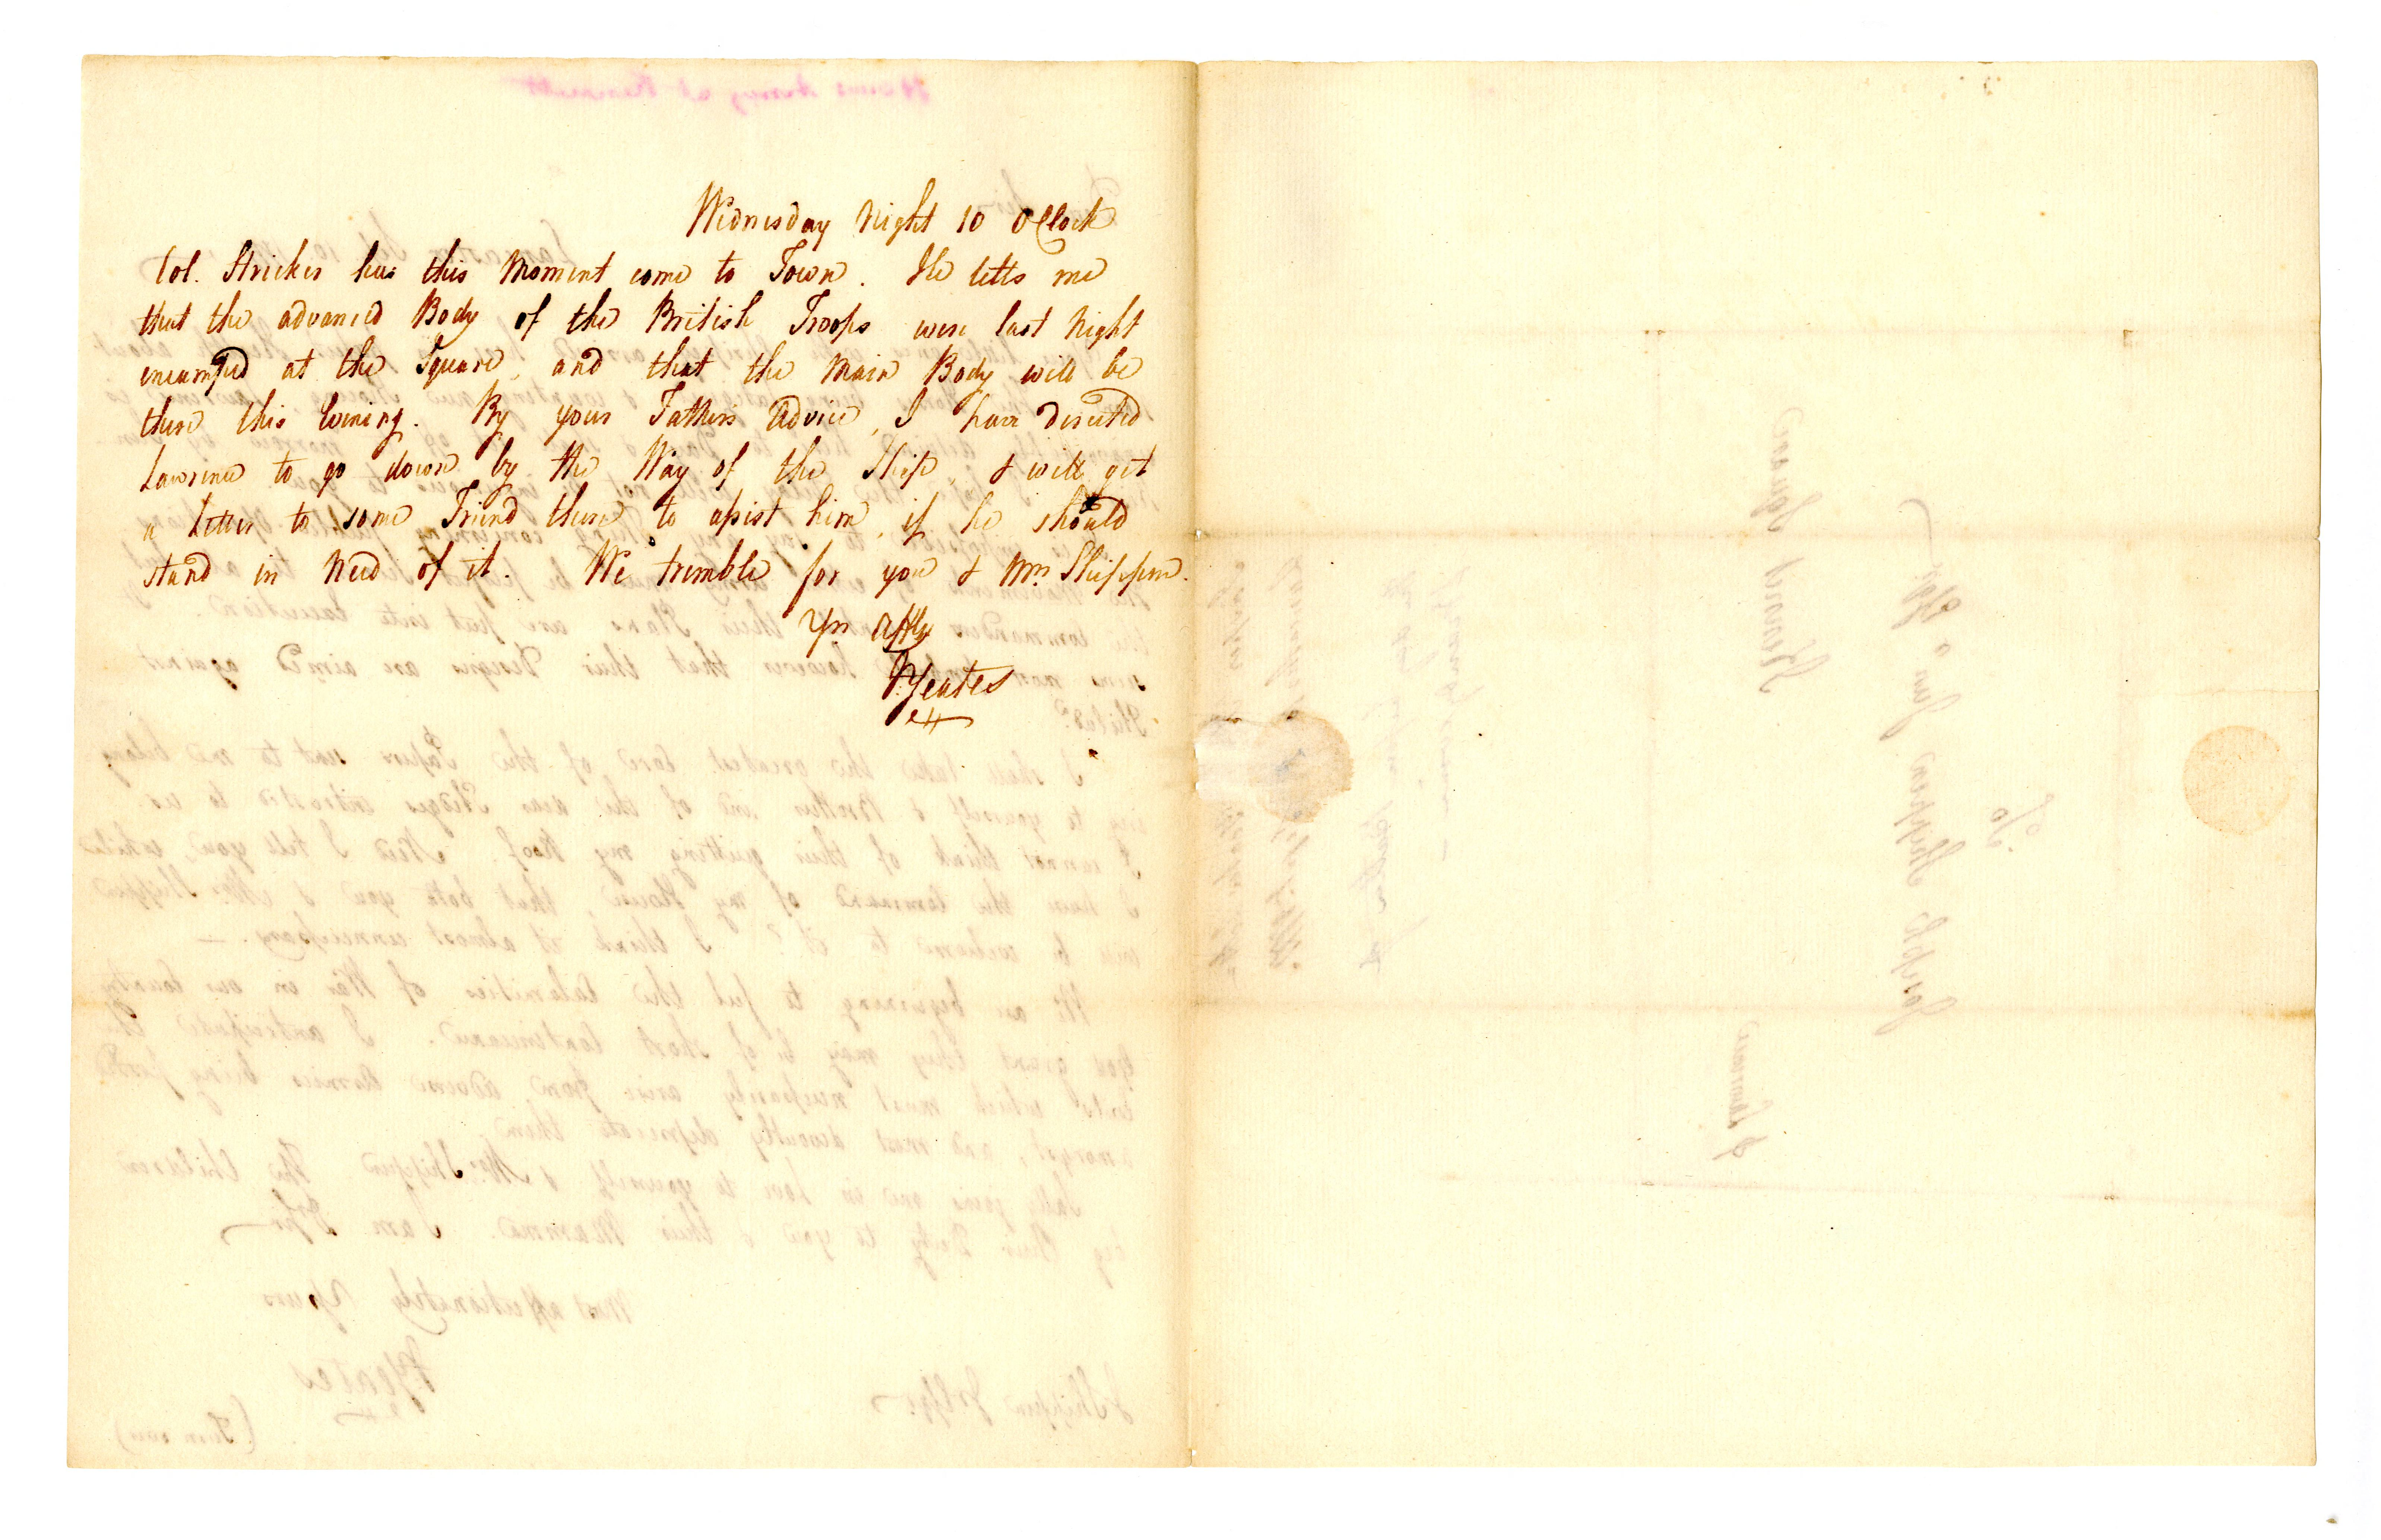Wednesday night 10 oClock
Col. Strickes has this Moment come to Town. He letts me
that the advanced Body of the British Troops were last night
encamped at the Square and that the Main Body will be
there this Evening. By your Fathers advice, I have directed
Lawrence to go down by the Way of the Ship, & will get
Letter to some Friend there to assist him, if he should
stand in need of it. We tremble for you & M^rs. Shippen.
Yrs Affly
J: Yeates